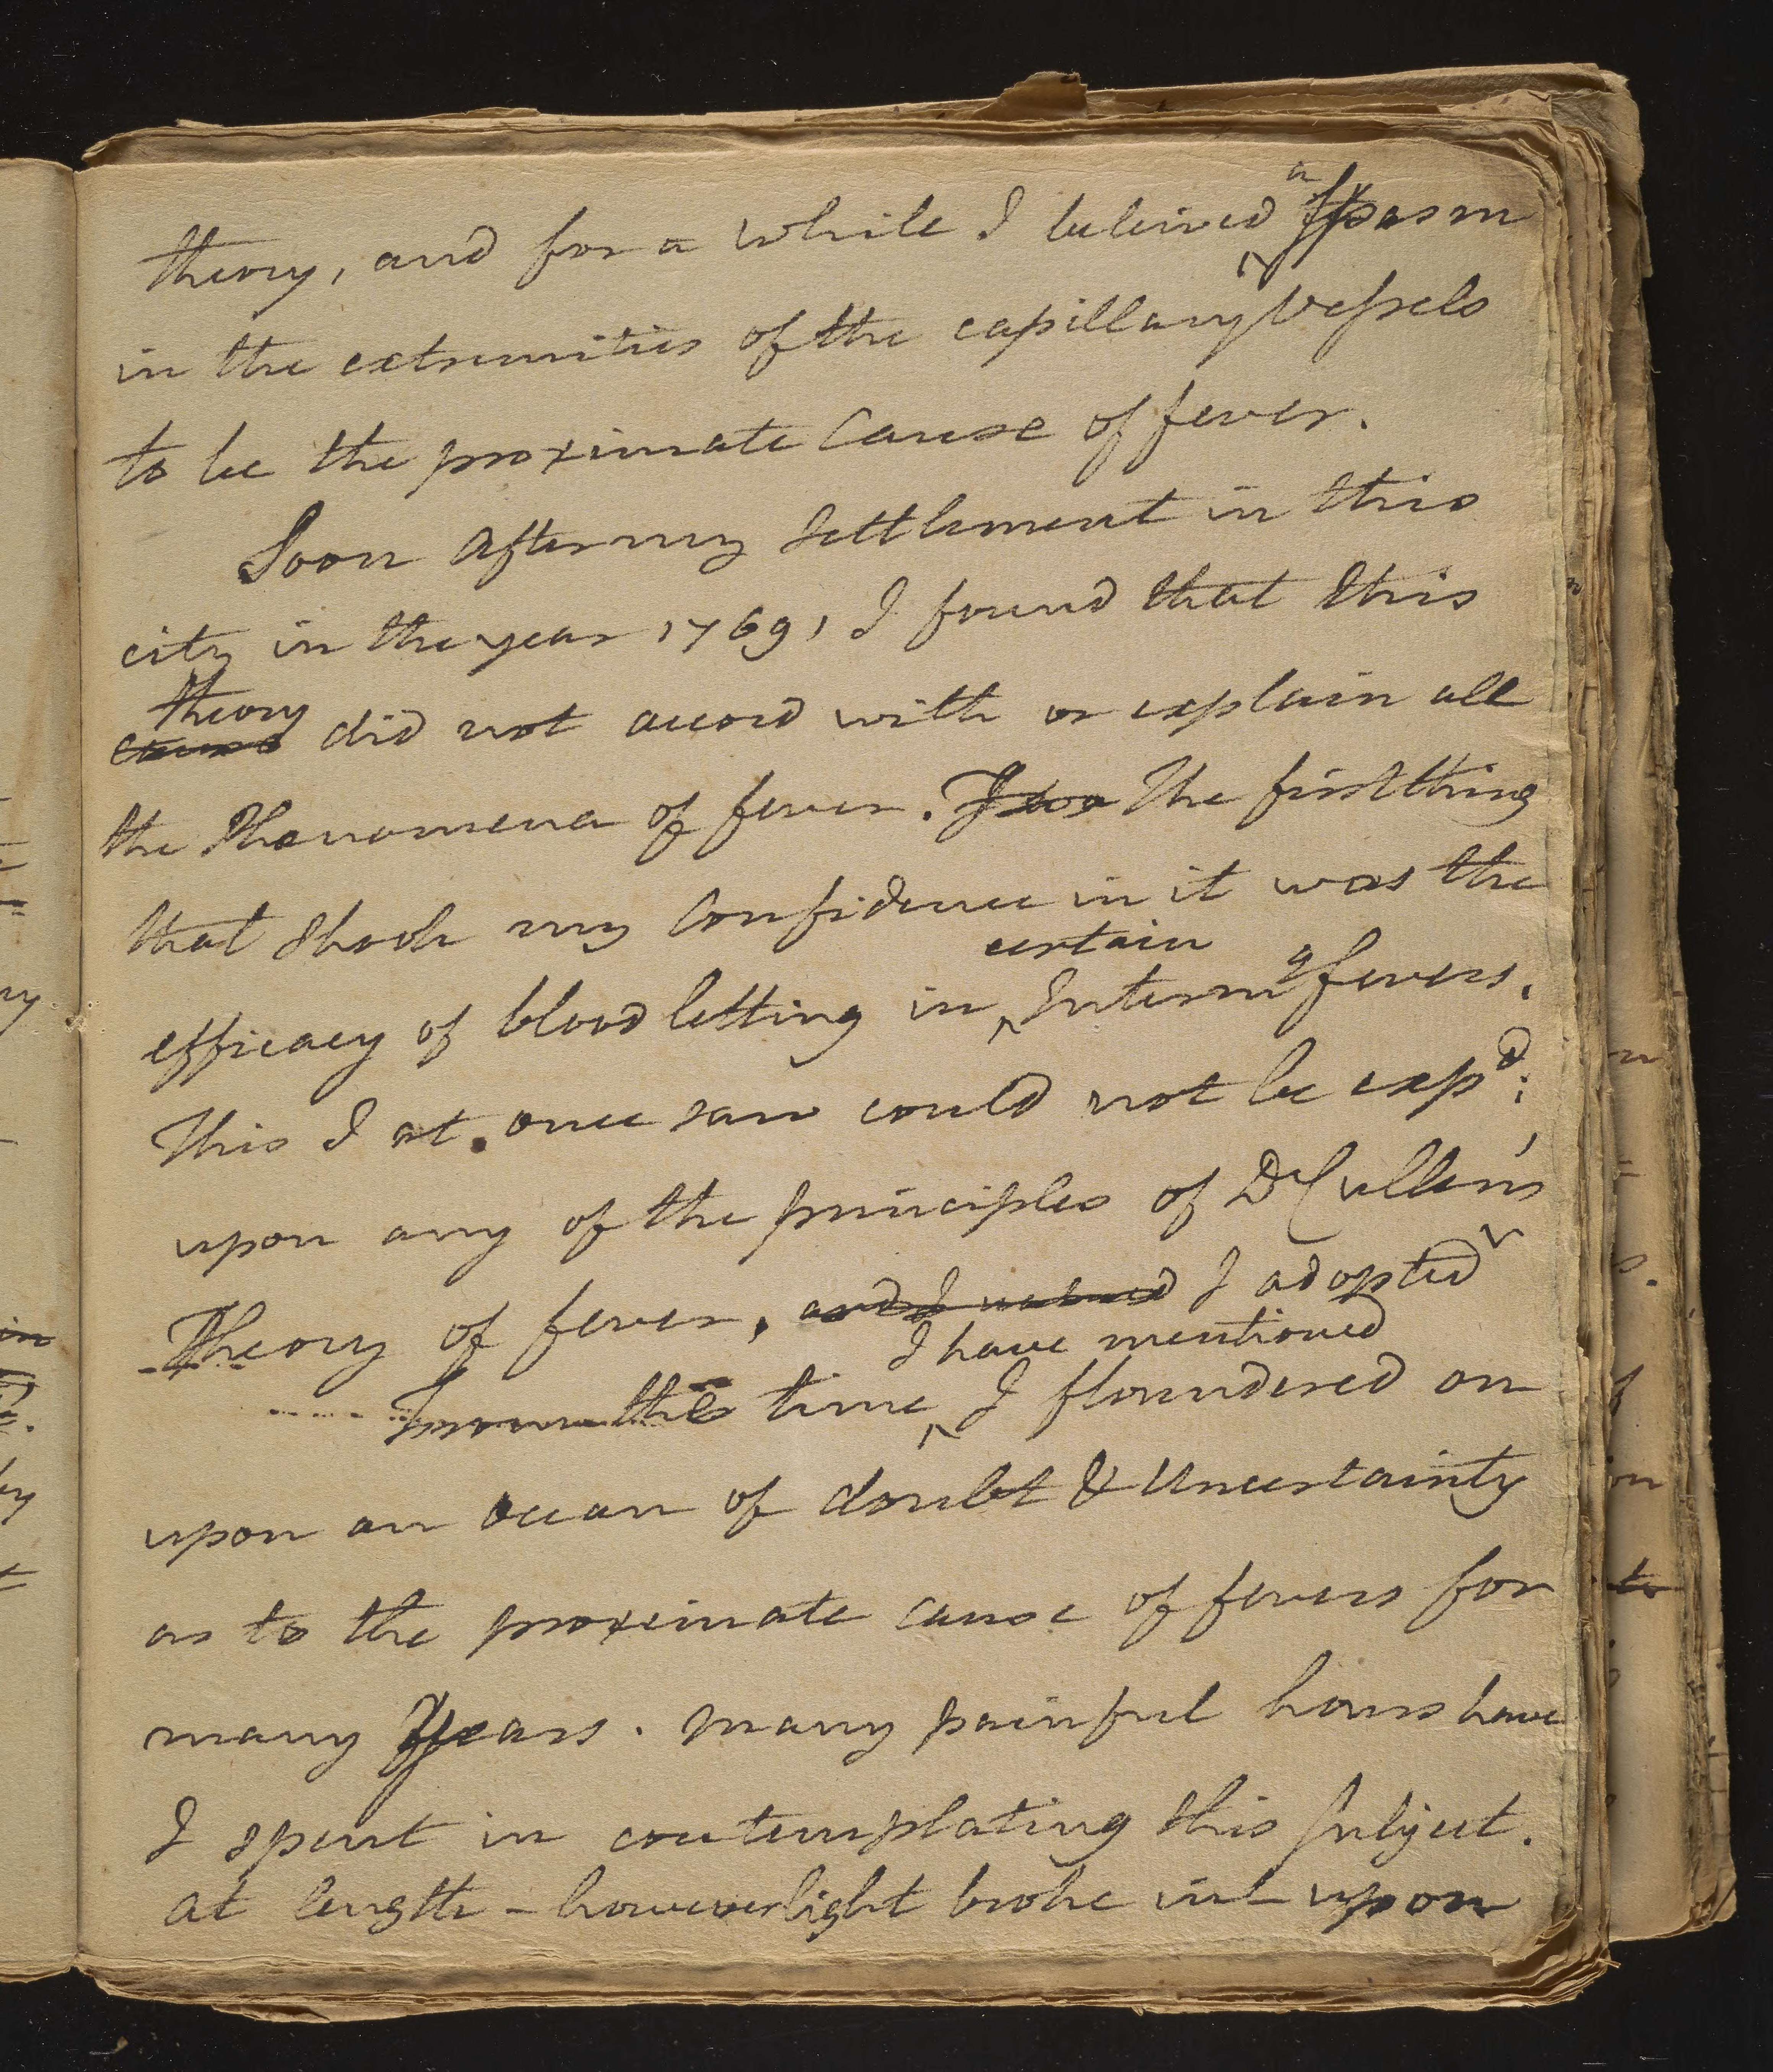a
theory, and for a while I believed ^ spasm
in the extremities of the capillary vessels
to be the proximate cause of fever.
Soon after my settlement in this
city in the year 1769, I found that this
theory
[cause] did not accord with or explain all
the phenomena of fever. [In a] The first thing
that shook my confidence in it was the
certain
efficacy of blood letting in ^ Interim^g fevers.
This I at once saw could not be exp^d:
upon any of the principles fo D^r Cullen's
Theory of fever. [and I ______] I adopted
I have mentioned
From the time ^ I floundered on
upon an ocean of doubt & uncertainty
as to the proximate cause of fevers for
many years. many painful hours have
I spent in contemplating this subject
at length- however light broke in upon